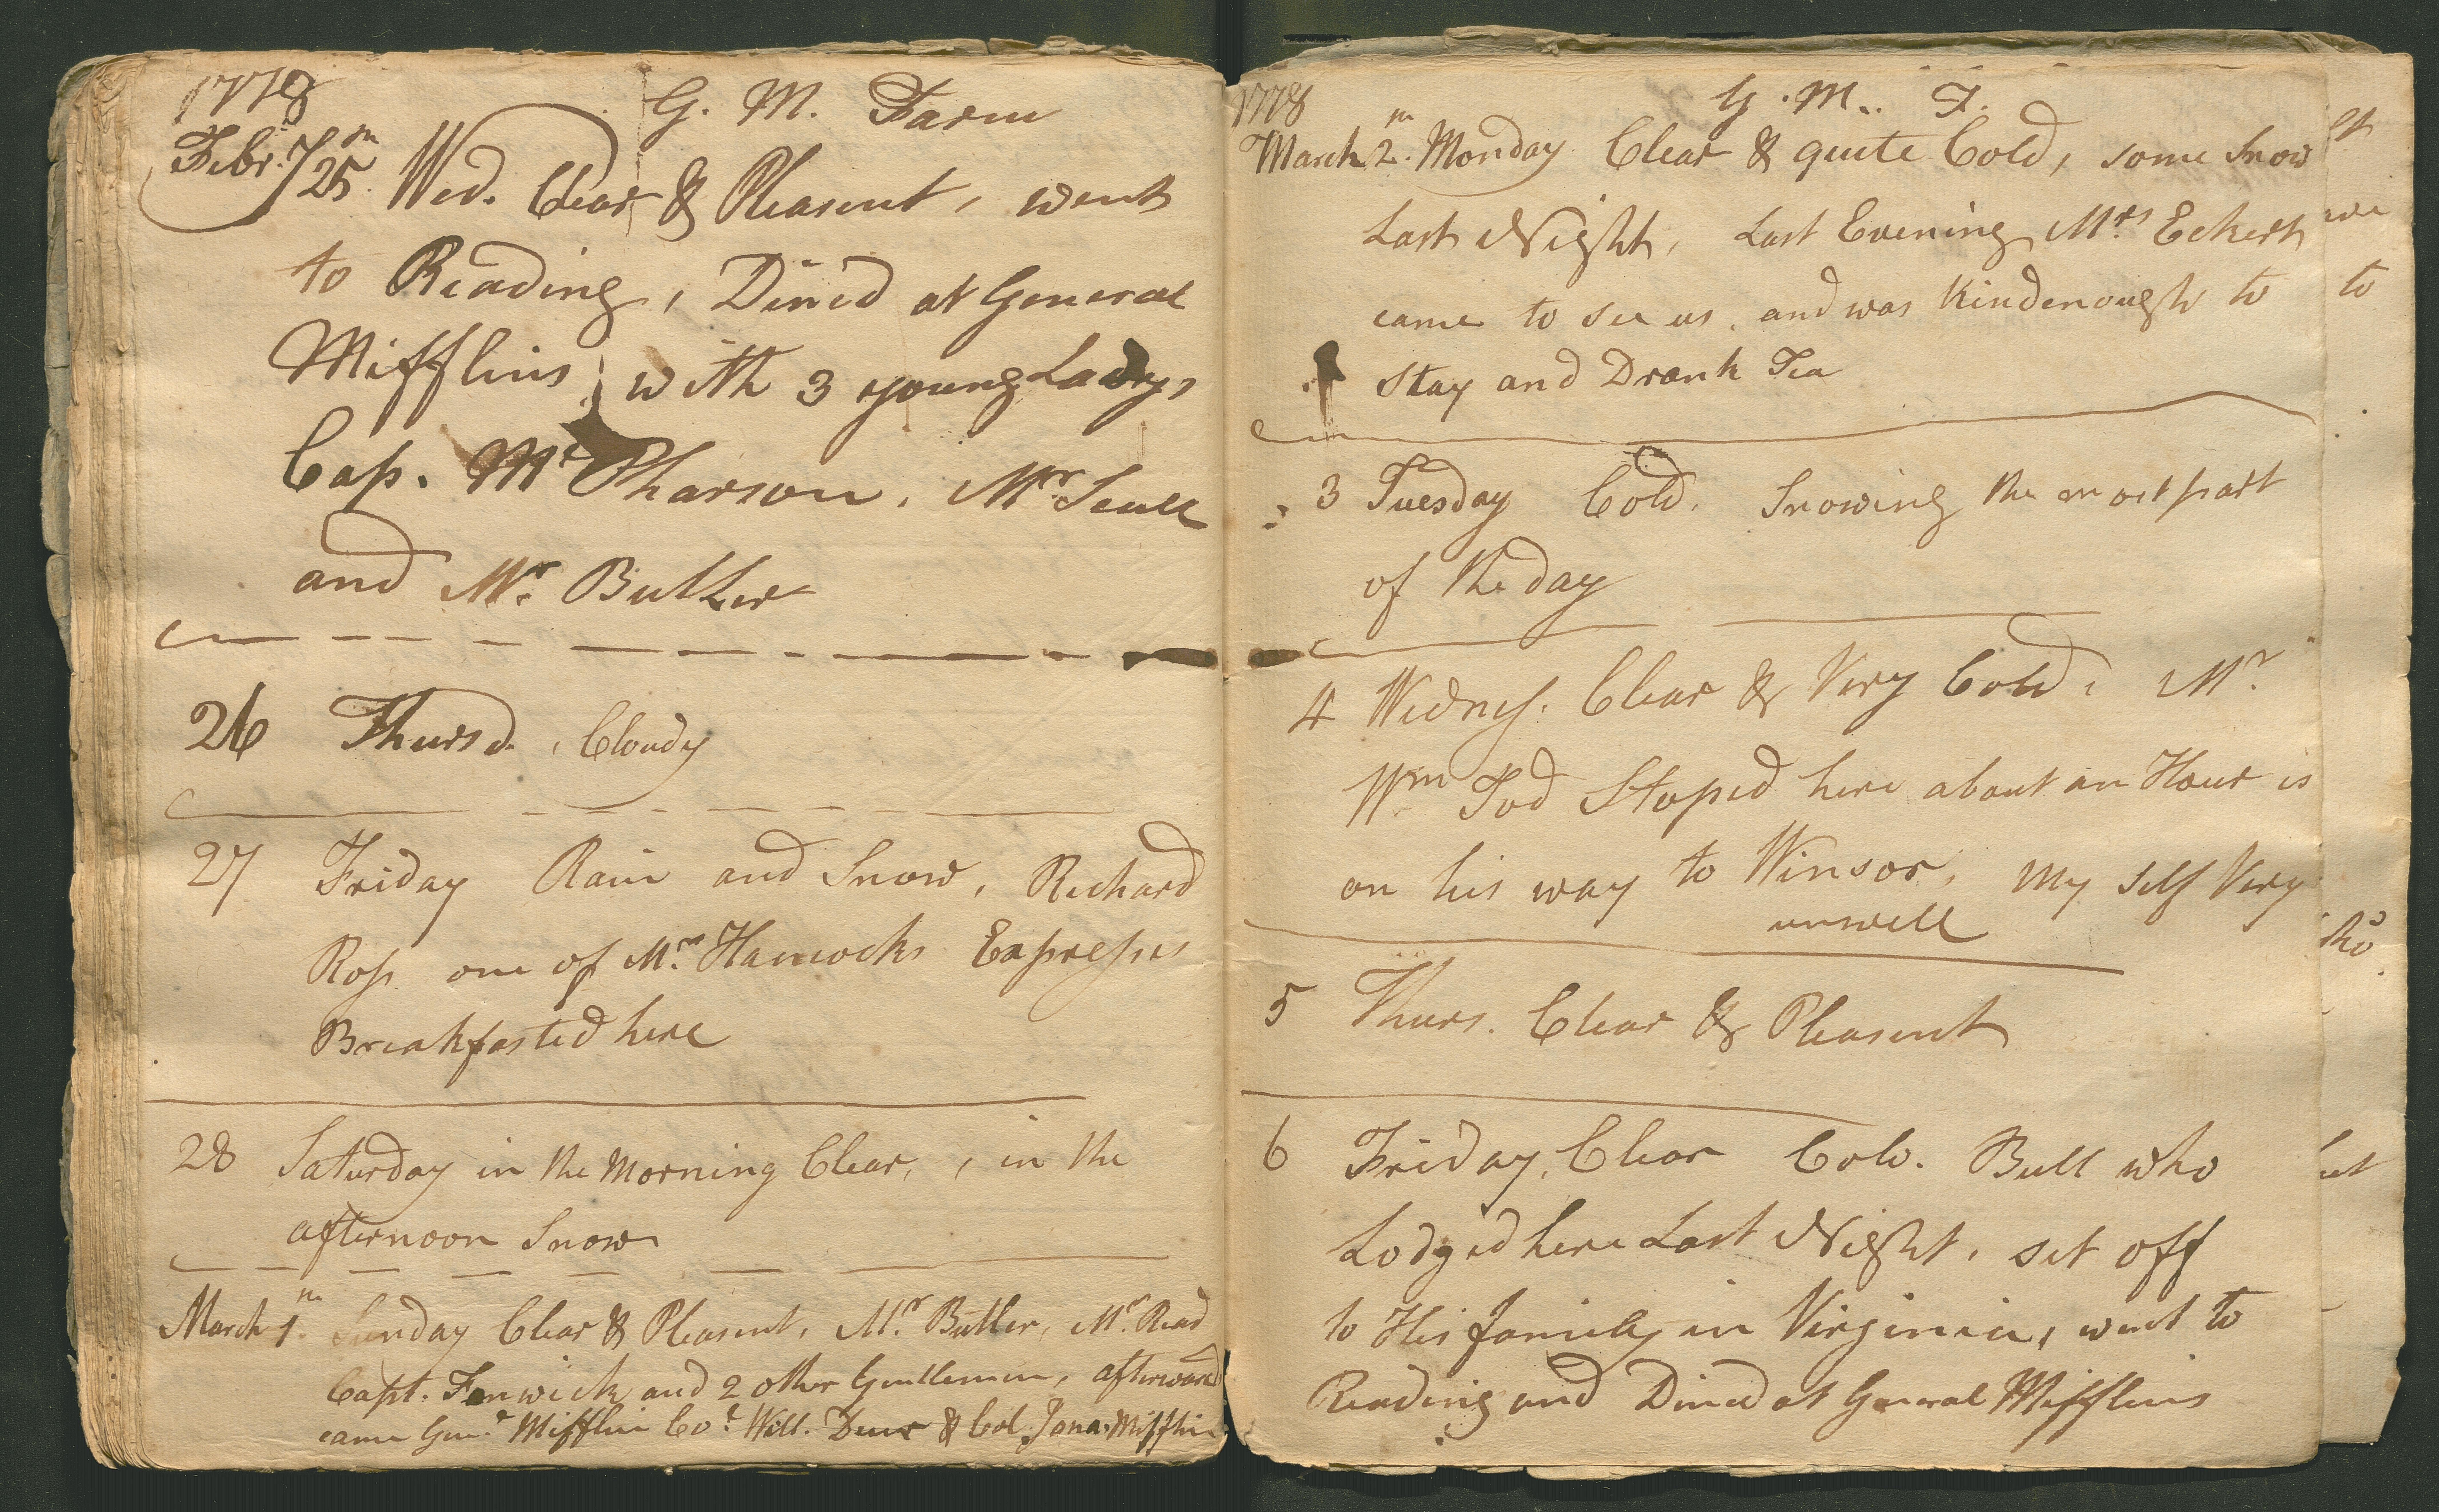1778
G. M. Farm
Febr^y. 25^th Wed. Clear & Peasent, went
to Reading, Dined at General
Mifflins with 3 young Ladys
Cap. M^r Pharson, M^r Seall
and M^r. Butler
26 Thursd. Cloudy
27 Friday Rain and Snow, Richard
Ross one of M^r. Hancocks Expresses
Breakfasted here
28 Saturday in the Morning Clear, in the
afternoon Snow
March 1^th. Sunday Clear & Pleasent, M^r. Butler, M^r. Read
Capt. Fenwick and 2 other Genllemen, afterward
came Gen^l. Mifflin Co^l. Will. Dent & Col Jona Mifflin
1778
G .M. F.
March 2^th. Monday. Clear & quite Cold, some snow
Last Night, Last Evening M^rs. Eckert
came to see us, and was Kind enough to
Stay and Drank Tea
3 Tuesday Cold. Snowing the most part
of the day
4 Wednes. Clear & Very Cold. M^r.
W^m Tod Stoped here about an Hour is
on his way to Winsor, My self Very
unwell
5 Thurs. Clear & Pleasent
6 Friday. Clear Colo. Bull who
Lodged here Last Night, set off
to His family an Virginia, went to
Reading and Dined at Genaral Mifflins